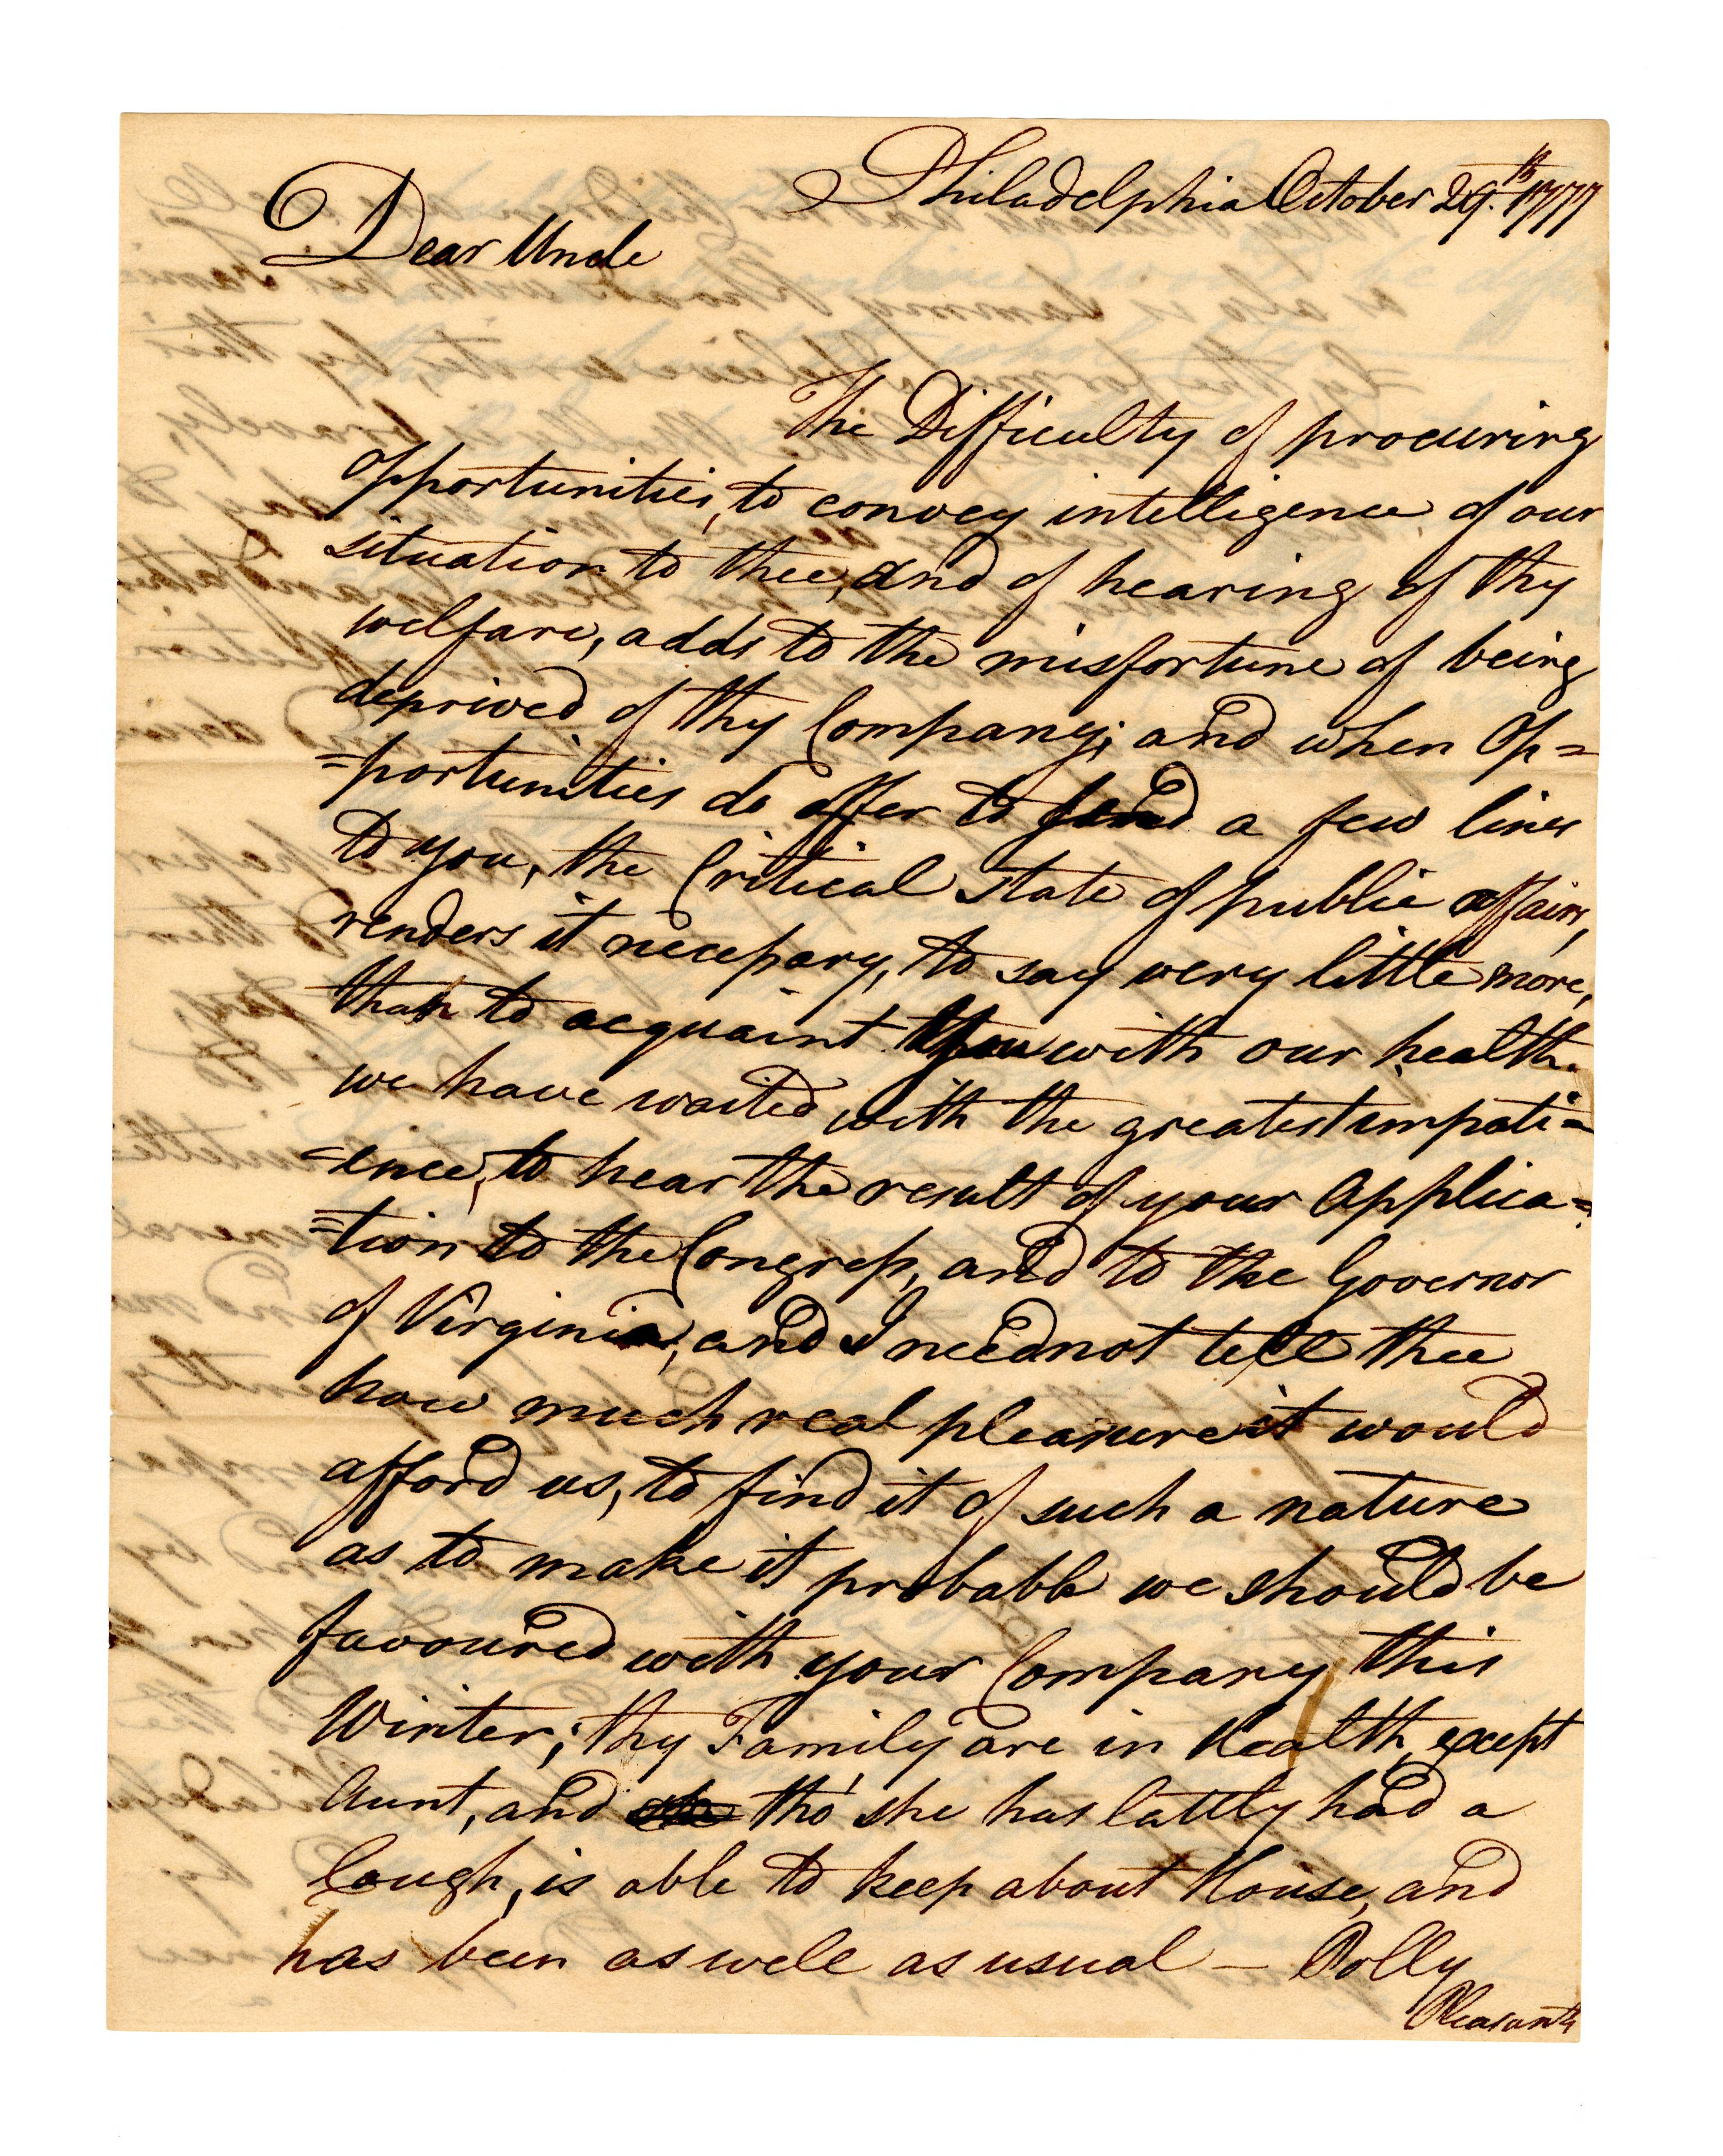Philadelphia October 29^th 1777
Dear Uncle
The Difficulty of procuring
opportunities, to convey intelligence of our
situation to thee, and of hearing of thy
welfare, adds to the misfortune of being
deprived of thy Company; and when Op-
-portunities do offer to send a few lines
to you, the Critical State of public affairs,
renders it necessary, to say very little more,
than to acquaint You with our health.
we have waited with the greatest impati-
-ence, to hear the result of your Applica-
-tion to the Congress, and to the Governor
of Virginia, and I need not tell thee
how much real pleasure it would
afford us, to find it of such a nature
as to make it probable we should be
favoured with your Company this
Winter; thy Family are in Health except
Aunt, and [she] tho' she has lattly had a
Cough, is able to keep about House, and
has been well as usual- Polly
Pleasants